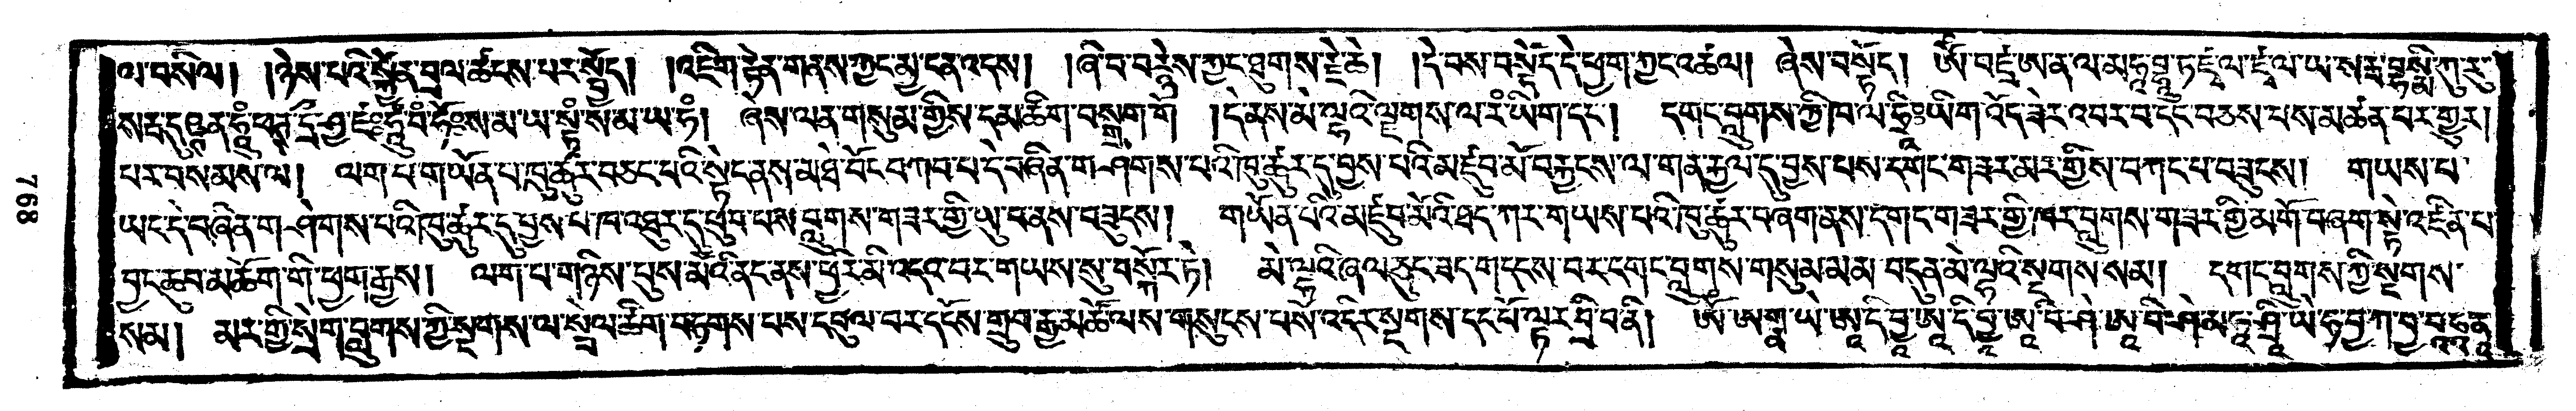ལ་བསིལ། །ཉེས་པའི་སྐྱོན་བྲལ་ཚངས་པར་སྤྱོད། །འཇིག་རྟེན་གནས་ཀྱང་མྱ་ངན་འདས། །ཞི་བ་བརྙེས་ཀྱང་ཐུགས་རྗེ་ཆེ། །དེ་བས་བསྡོད་དེ་ཕྱག་ཀྱང་འཚལ། ཞེས་བསྟོད། ཨོཾ་བཛྲ་ཨ་ན་ལ་མཧཱ་བྷཱུ་ཏ་ཛྭ་ལ་ཛྭ་ལ་ཡ་སརྦ་བྷསྨི་ཀུ་རུ་
སརྦ་དུཥྚན་ཧཱུཾ་ཕཊ་དྲྀ་ཤྱ་ཛཿཧཱུཾ་བཾ་ཧོཿས་མ་ཡ་སྟཾ་ས་མ་ཡ་ཧཾ། ཞེས་ལན་གསུམ་གྱིས་དམ་ཚིག་བསྒྲག་གོ །དེ་ནས་མེ་ལྷའི་ལྗགས་ལ་རཾ་ཡིག་དང་། དགང་བླུགས་ཀྱི་ཁ་ལ་ཧྲཱིཿ ཡིག་འོད་ཟེར་འབར་བ་དང་བཅས་པས་མཚན་པར་གྱུར།
པར་བསམས་ལ། ལག་པ་གཡོན་པ་ཁུ་ཚུར་བཅང་པའི་སྟེང་ནས་མཐེ་བོང་བཀབ་པ་དེ་བཞིན་གཤེགས་པའི་ཁུ་ཚུར་དུ་བྱས་པའི་མཛུབ་མོ་བརྐྱངས་ལ་གན་རྒྱལ་དུ་བྱས་པས་དགང་གཟར་མར་གྱིས་བཀང་པ་བཟུངས། གཡས་པ་
ཡང་དེ་བཞིན་གཤེགས་པའི་ཁུ་ཚུར་དུ་བྱས་པ་ཁ་འཐུར་དུ་ཕུབ་པས་བླུགས་གཟར་གྱི་ཡུ་བ་ནས་བཟུངས། གཡོན་པའི་མཛུབ་མོའི་ཐད་ཀར་གཡས་པའི་ཁུ་ཚུར་བཞག་ནས་དགང་གཟར་གྱི་ཁར་བླུགས་གཟར་གྱི་མགོ་བཞག་སྟེ་འཛིན་པ་
བྱང་ཆུབ་མཆོག་གི་ཕྱག་རྒྱས། ལག་པ་གཉིས་པུས་མོའི་ནང་ནས་ཕྱིར་མི་འདའ་བར་གཡས་སུ་བསྐོར་ཏེ། མེ་ལྷའི་ཞལ་ཅུང་ཟད་གདངས་བར་དགང་བླུགས་གསུམ་མམ་བདུན་མེ་ལྷའི་སྔགས་སམ། དགང་བླུགས་ཀྱི་སྔགས་
སམ། མར་གྱི་སྲེག་བླུགས་ཀྱི་སྔགས་ལ་སྦེལ་ཚིག་བཏགས་པས་དབུལ་བར་དངོས་གྲུབ་རྒྱ་མཚོ་ལས་གསུངས་པས་འདིར་སྔགས་དང་པོ་ལྟར་བྲི་བ་ནི། ཨོཾ་ཨགན་ཡེ་ཨཱ་དི་བྱཱ་ཨཱ་དི་བྱཱ་ཨཱ་བི་ཤེ་ཨཱ་བི་ཤེ་མཧཱ་ཤྲཱི་ཡེ་ཧ་བྱ་ཀ་བྱ་བཱ་ཧཱནཱ་